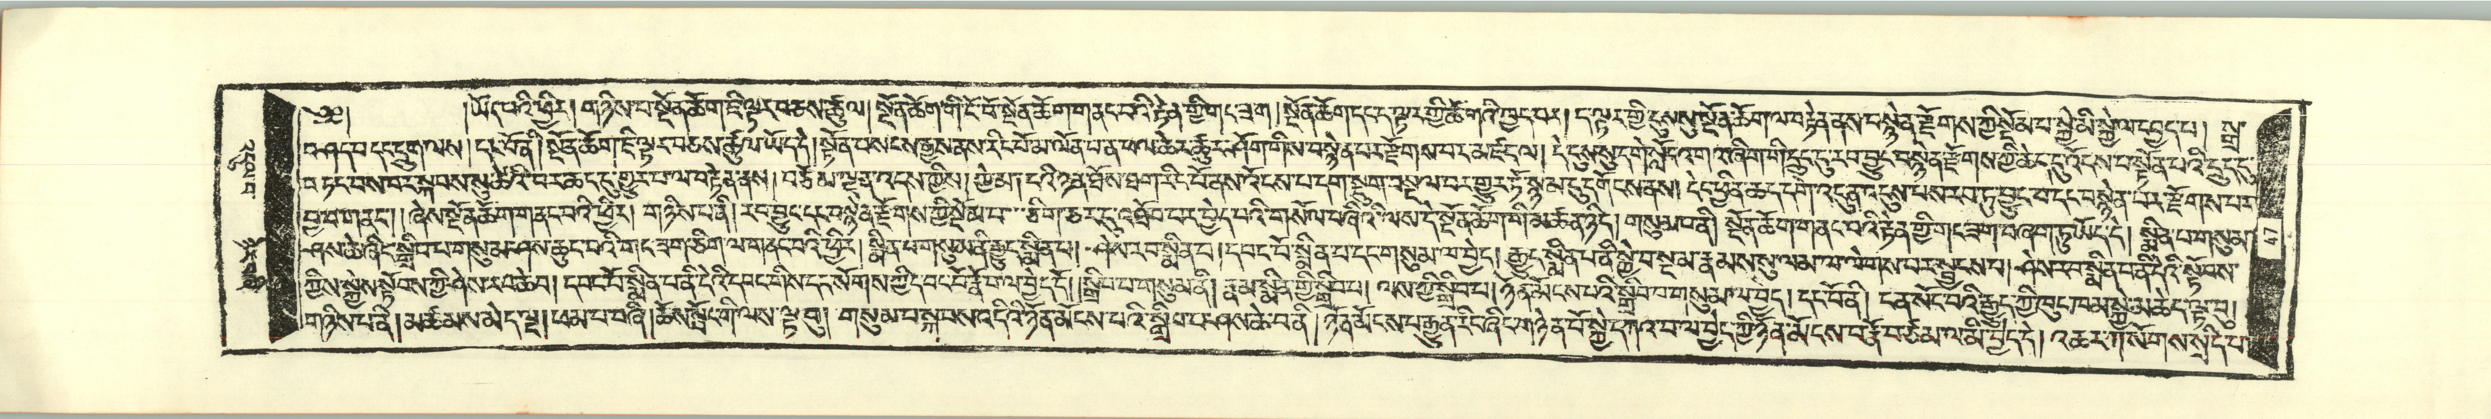༄༅། །ཡོད་པའི་ཕྱིར། གཉིས་པ་སྔོན་ཆོག་ཇི་ལྟར་བཅས་ཚུལ། སྔོན་ཆོག་གི་ངོ་བོ་སྔོན་ཆོག་གནང་བའི་རྟེན་གྱི་གང་ཟག། སྔོན་ཆོག་དང་ད་ལྟར་གྱི་ཆོ་གའི་ཁྱད་བར། ད་ལྟར་གྱི་དུས་སུ་སྔོན་ཆོག་ལ་བརྟེན་ནས་བསྙེན་རྫོགས་ཀྱི་སྡོམ་པ་སྐྱེ་མི་སྐྱེ་ལ་དབྱད་པ། སྒྲ་
བཤད་པ་དང་དྲུག་ལས། དང་པོ་ནི། སྔོན་ཆོག་ཇི་ལྟར་བཅས་ཚུལ་ཡོད་དེ། སྟོན་པ་སངས་རྒྱས་ནས་རིང་པོ་མ་ལོན་པ་ན་ཕལ་ཆེར་ཚུར་ཤོག་གིས་བསྙེན་པར་རྫོགས་པར་མཛད་ལ། དེ་དུས་སུ་དགེ་སློང་འགའ་ཞིག་གི་དྲུང་དུ་རབ་བྱུང་བསྙེན་རྫོགས་ཀྱི་ཆེད་དུ་འོངས་བསྟོན་པའི་དྲུང་དུ་
བཏང་པས་བར་སྐབས་སུ་ཚེའི་བར་ཆད་དུ་གྱུར་པ་ལ་བརྟེན་ནས། བཅོམ་ལྡན་འདས་ཀྱིས། ཀྱེ་མ། ངའི་ཉན་ཐོས་ཐག་རིང་པོ་ནས་འོངས་པ་དག་སྡུག་བསྔལ་བར་གྱུར་ཏོ་སྙམ་དུ་དགོངས་ནས། དེད་ཕྱིན་ཆད་དགེ་འདུན་འདུས་པས་རབ་ཏུ་བྱུང་བ་དང་བསྙེན་པར་རྫོགས་པར་
བྱ་བ་གནང་། །ཞེས་སྔོན་ཆོག་གནང་བའི་ཕྱིར། གཉིས་པ་ནི། རབ་བྱུང་དང་བསྙེན་རྫོགས་ཀྱི་སྡོམ་པ་ཅིག་ཅར་དུ་འཐོབ་པར་བྱེད་པའི་གསོལ་བཞིའི་ལས་དེ་སྔོན་ཆོག་གི་མཚན་ཉིད། གསུམ་པ་ནི། སྔོན་ཆོག་གནང་བའི་རྟེན་གྱི་གང་ཟག་བཞག་ཏུ་ཡོད་དེ། སྨིན་པ་གསུམ་
ཤས་ཆེ་ཞིང་སྒྲིབ་པ་གསུམ་ཤས་ཆུང་བའི་གང་ཟག་ཅིག་ལ་གནང་བའི་ཕྱིར། སྨིན་པ་གསུམ་ནི་རྒྱུད་སྨིན་པ། ཤེས་རབ་སྨིན་པ། དབང་པོ་སྨིན་པ་དང་གསུམ་ལ་བྱེད། རྒྱུད་སྨིན་པ་ནི་སྐྱེ་བ་སྔ་མ་རྣམས་སུ་ལམ་ལ་ལེགས་པར་སྦྱངས་པ། ཤེས་རབ་སྨིན་པ་ནི་དེའི་སྟོབས་
ཀྱིས་སྐྱེས་སྟོབས་ཀྱི་ཤེས་རབ་ཆེ་བ། དབང་པོ་སྨིན་པ་ནི་དེའི་དབང་གིས་དང་སོགས་ཀྱི་དབང་པོ་རྣོ་བ་ལ་བྱེད་དོ། །སྒྲིབ་པ་གསུམ་ནི། རྣམ་སྨིན་གྱི་སྒྲིབ་པ། ལས་ཀྱི་སྒྲིབ་པ། ཉོན་མོངས་པའི་སྒྲིབ་པ་གསུམ་ལ་བྱེད། དང་པོ་ནི། ངན་སོང་བའི་རྒྱུད་ཀྱི་ཁུང་ཁམ་སྐྱེ་མཆེད་ལྟ་བུ།
གཉིས་པ་ནི། མཚམས་མེད་ལྔ། ཕམ་པ་བཞི། ཆོས་སྤོང་གི་ལས་ལྟ་བུ། གསུམ་པ་སྐབས་འདིའི་ཉོན་མོངས་པའི་སྒྲིབ་པ་ཤས་ཆེ་བ་ནི། ཉོན་མོངས་པ་རྒྱུན་རིང་ཞིང་གཉེན་པོ་སྐྱེ་དཀའ་བ་ལ་བྱེད་ཀྱི་ཉོན་མོངས་པ་རྣོ་བ་ཙམ་མི་བྱེད་དེ། འཆར་ཀ་སོགས་སྲིད་པ་